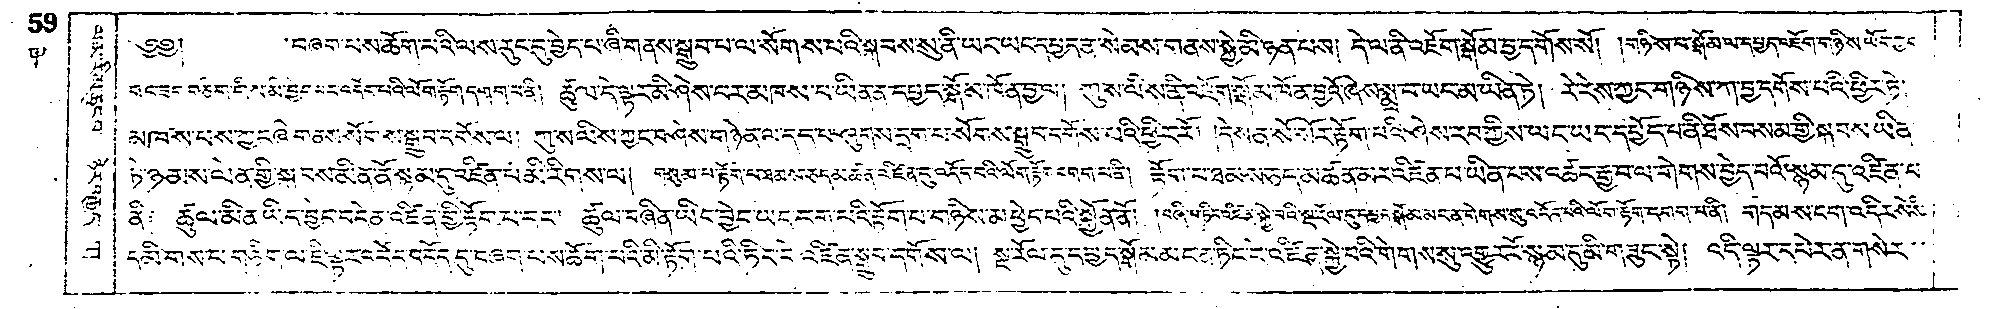༄༅། །བཞག་པས་ཆོག་པའི་ལས་རུང་དུ་བྱེད་པ་ཞི་གནས་སྒྲུབ་པ་ལ་སོགས་པའི་སྐབས་སུ་ནི་ཡང་ཡང་དཔྱད་ན་སེམས་གནས་སྐྱེ་མི་ཉན་པས། དེ་ལ་ནི་འཇོག་སྒོམ་བྱ་དགོས་སོ། །གཉིས་པ་སྒོམ་ལ་དཔྱད་འཇོག་གཉིས་ཡོད་ཀྱང་
གང་ཟག་གཅིག་གིས་མི་བྱེད་པར་འདོད་པའི་ལོག་རྟོག་དགག་པ་ནི། ཚུལ་དེ་ལྟར་མི་ཤེས་པར་མཁས་པ་ཡིན་ན་དཔྱད་སྒོམ་ཁོ་ན་བྱ་ལ། ཀུ་ས་ལིས་ནི་འཇོག་སྒོམ་ཁོ་ན་བྱའོ་ཞེས་སྨྲ་བ་ཡང་མ་ཡིན་ཏེ། རེ་རེས་ཀྱང་གཉིས་ཀ་བྱ་དགོས་པའི་ཕྱིར་ཏེ།
མཁས་པས་ཀྱང་ཞི་གནས་སོགས་སྒྲུབ་དགོས་ལ། ཀུ་ས་ལིས་ཀྱང་བཤེས་གཉེན་ལ་དད་པ་ཤུགས་དྲག་པ་སོགས་སྒྲུབ་དགོས་པའི་ཕྱིར་རོ། །དེས་ན་སོ་སོར་རྟོག་པའི་ཤེས་རབ་ཀྱིས་ཡང་ཡང་དཔྱོད་པ་ནི་ཐོས་བསམ་གྱི་སྐབས་ཡིན་
ཏེ་ཉམས་ལེན་གྱི་སྐབས་མིན་ནོ་སྙམ་དུ་འཛིན་པ་མི་རིགས་ལ། གསུམ་པ་རྟོག་པ་ཐམས་ཅད་མཚན་འཛིན་དུ་འདོད་པའི་ལོག་རྟོག་དགག་པ་ནི། རྟོག་པ་ཐམས་ཅད་མཚན་མར་འཛིན་པ་ཡིན་པས་འཚང་རྒྱ་བ་ལ་གེགས་བྱེད་པའོ་སྙམ་དུ་འཛིན་པ་
ནི༑ ཚུལ་མིན་ཡིད་བྱེད་བདེན་འཛིན་གྱི་རྟོག་པ་དང་། ཚུལ་བཞིན་ཡིད་བྱེད་ཡང་དག་པའི་རྟོག་པ་གཉིས་མ་ཕྱེད་པའི་སྐྱོན་ནོ། ། བཞི་པ་ཏིང་འཛིན་སྐྱེ་བའི་སྔ་རོལ་དུ་དཔྱད་སྒོམ་མང་ན་གེགས་སུ་འདོད་པའི་ལོག་རྟོག་དགག་པ་ནི། གདམས་ངག་འདིར་སེཾས་
དམིགས་པ་གཅིག་ལ་ཇི་ལྟར་འདོད་འདོད་དུ་བཞག་པས་ཆོག་པའི་མི་རྟོག་པའི་ཏིང་ངེ་འཛིན་སྒྲུབ་དགོས་ལ། སྔ་རོལ་དུ་དཔྱད་སྒོམ་མང་ན་ཏིང་ངེ་འཛིན་སྐྱེ་བའི་གེགས་སུ་འགྱུར་རོ་སྙམ་དུ་མི་གཟུང་སྟེ། འདི་ལྟར་དཔེར་ན་གསེར་